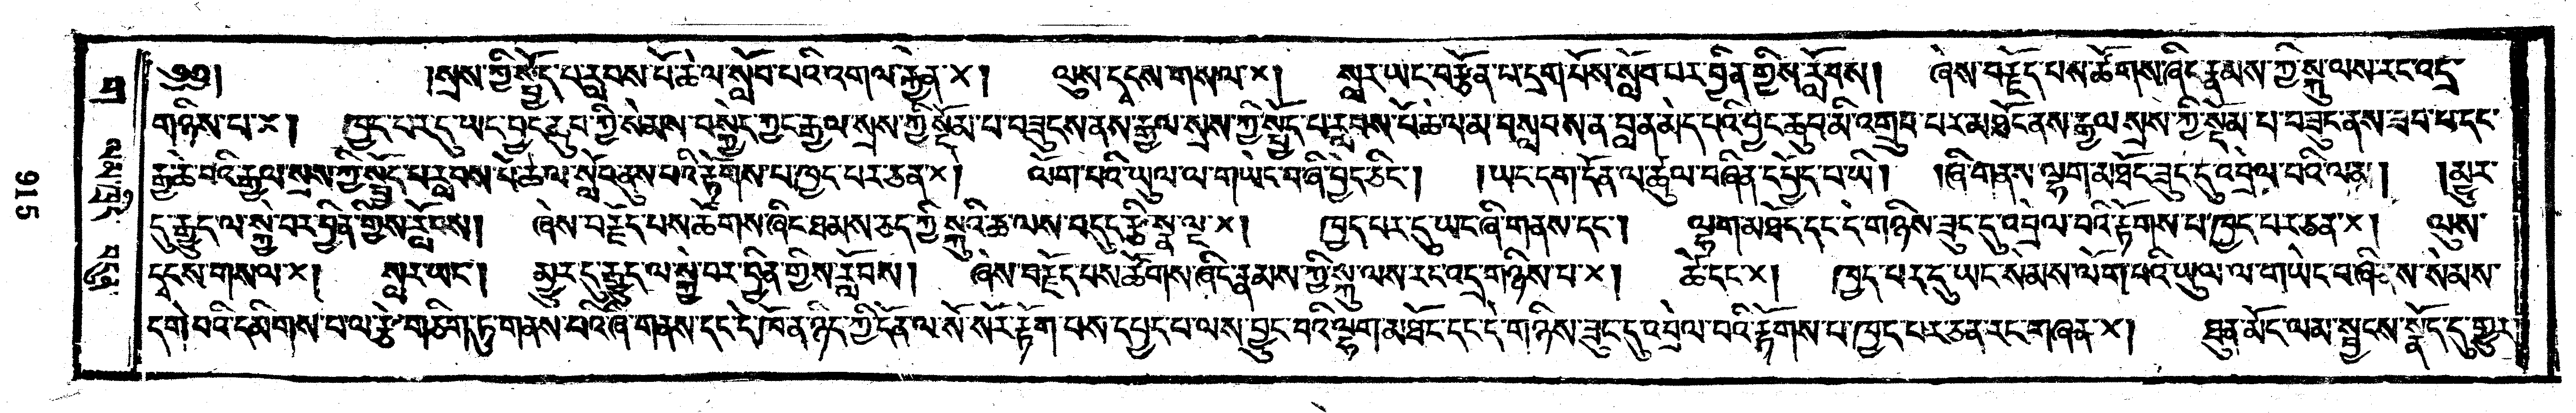༄༅། །སྲས་ཀྱི་སྤྱོད་པ་རླབས་པོ་ཆེ་ལ་སློབ་པའི་འགལ་རྐྱེན་྾། ལུས་དྭངས་གསལ་྾། སླར་ཡང་བརྩོན་པ་དྲག་པོས་སློབ་པར་བྱིན་གྱིས་རློབས། ཞེས་བརྗོད་པས་ཚོགས་ཞིང་རྣམས་ཀྱི་སྐུ་ལས་རང་འདྲ་
གཉིས་པ་྾། ཁྱད་པར་དུ་ཡང་བྱང་ཆུབ་ཀྱི་སེམས་བསྐྱེད་ཀྱང་རྒྱལ་སྲས་ཀྱི་སྡོམ་པ་བཟུངས་ནས་རྒྱལ་སྲས་ཀྱི་སྤྱོད་པ་རླབས་པོ་ཆེ་ལ་མ་བསླབས་ན་བླ་ན་མེད་པའི་བྱང་ཆུབ་མི་འགྲུབ་པར་མཐོང་ནས་རྒྱལ་སྲས་ཀྱི་སྡོམ་པ་བཟུང་ནས་ཟབ་པ་དང་
རྒྱ་ཆེ་བའི་རྒྱལ་སྲས་ཀྱི་སྤྱོད་པ་རླབས་པོ་ཆེལ་སློབ་ནུས་པའི་རྟོགས་པ་ཁྱད་པར་ཅན་྾། ལོག་པའི་ཡུལ་ལ་གཡེང་བ་ཞི་བྱེད་ཅིང་། །ཡང་དག་དོན་ལ་ཚུལ་བཞིན་དཔྱོད་པ་ཡི། །ཞི་གནས་ལྷག་མཐོང་ཟུང་དུ་འབྲེལ་བའི་ལམ། །མྱུར་
དུ་རྒྱུད་ལ་སྐྱེ་བར་བྱིན་གྱིས་རློབས། ཞེས་བརྗོད་པས་ཚོགས་ཞིང་ཐམས་ཅད་ཀྱི་སྐུའི་ཆ་ལས་བདུད་རྩི་སྣ་ལྔ་྾། །ཡང་དག་དོན་ལ་ཚུལ་བཞིན་དཔྱོད་བ་ཡི། །ཞི་གནས་ལྷག་མཐོང་ཟུང་དུ་འབྲེལ་བའི་ལམ། །མྱུར་
དུ་རྒྱུད་ལ་སྐྱེ་བར་བྱིན་གྱིས་རློབས། ཞེས་བརྗོད་པས་ཚོགས་ཞིང་ཐམས་ཅད་ཀྱི་སྐུའི་ཆ་ལས་བདུད་རྩི་སྣ་ལྔ་྾། ཁྱད་པར་དུ་ཡང་ཞི་གནས་དང་། ལྷག་མཐོང་དང་དེ་གཉིས་ཟུང་དུ་འབྲེལ་བའི་རྟོགས་པ་ཁྱད་པར་ཅན་྾། ལུས་
དྭངས་གསལ་྾། སླར་ཡང་། མྱུར་དུ་རྒྱུད་ལ་སྐྱེ་བར་བྱིན་གྱིས་རློབས། ཞེས་བརྗོད་པས་ཚོགས་ཞིང་རྣམས་ཀྱི་སྐུ་ལས་རང་འདྲ་གཉིས་པ་྾། ཚེ་དང་྾། ཁྱད་པར་དུ་ཡང་སེམས་ལོག་པའི་ཡུལ་ལ་གཡེང་བ་ཞི་ནས་སེམས་
དགེ་བའི་དམིགས་པ་ལ་རྩེ་གཅིག་ཏུ་གནས་བའི་ཞི་གནས་དང་དེ་ཁོ་ན་ཉིད་ཀྱི་དོན་ལ་སོ་སོར་རྟོག་པས་དཔྱད་པ་ལས་བྱུང་བའི་ལྷག་མཐོང་དང་དེ་གཉིས་ཟུང་དུ་འབྲེལ་བའི་རྟོགས་པ་ཁྱད་པར་ཅན་རང་གཞན་྾། ཐུན་མོང་ལམ་སྦྱངས་སྣོད་དུ་གྱུར་